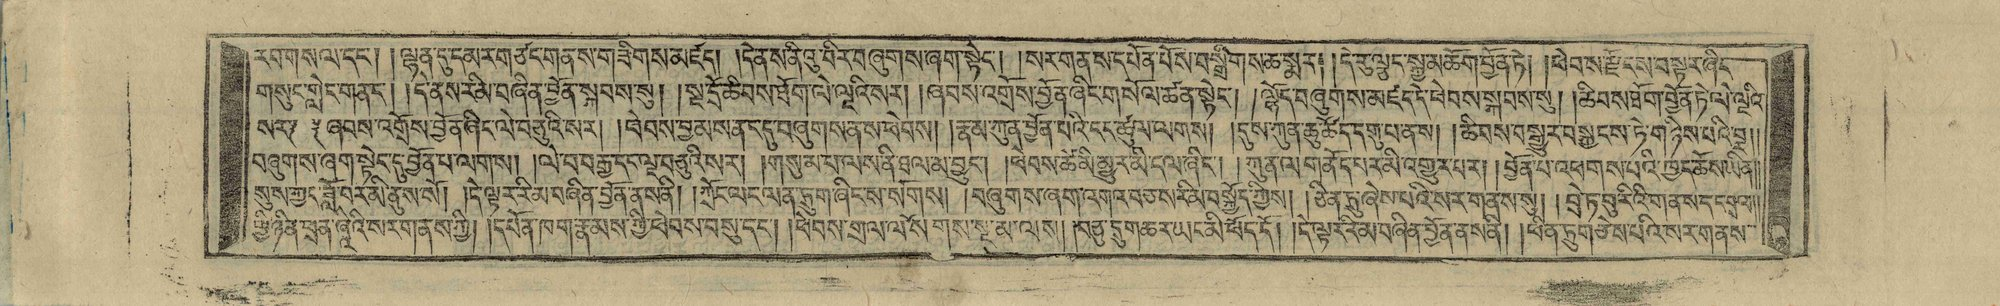རབ་གསལ་དང་། །ལྷན་དུ་དམར་གཙང་གནས་གཟིགས་མཛད། །དེ་ནས་ནིའུ་བིར་བཞུགས་ཞག་སྟེང་། །སར་གནས་དཔོན་པོས་བསྒྲིགས་ཆ་སྨར། །དེ་རུ་ལྕང་སྐྱ་མཆོག་བྱོན་ཏེ། །ཕེབས་རྫོངས་བསྟར་ཞིང་
གསུང་གླེང་གནང་། །དེ་ནས་རིམ་བཞིན་བྱོན་སྐབས་སུ། །སྔ་དྲོ་ཆིབས་ཐོག་ལེ་ལྔའི་སར། །ཞབས་འགྲོས་བྱོན་ཞིང་གསོལ་ཚན་སྟེང་། །ལྷོད་བཞུགས་མཛད་དེ་ཕེབས་སྐབས་སུ། །ཆིབས་ཐོག་བྱོན་ཏེ་ལེ་ལྔའི་
སར༑ ༑ཞབས་འགྲོས་བྱོན་ཞིང་ལེ་བཅུའི་སར། །ཕེབས་བྱམས་ནང་དུ་བཞུགས་ནས་ཕེབས། །རྣམ་ཀུན་བྱོན་པའི་ངང་ཚུལ་ལགས། །དུས་ཀུན་ཆུ་ཚོད་དགུ་པ་ནས། །ཆིབས་བསྒྱུར་བསྐྱངས་ཏེ་གཉིས་པའི་བར། །
བཞུགས་ཞག་སྟེང་དུ་བྱོན་པ་ལགས། །ལེ་བ་བརྒྱ་དང་ལྔ་བཅུའི་སར། །གསུམ་པ་ལས་ནི་ཐལ་མ་བྱུང་། །ཕེབས་ཚེ་མི་མྱུར་མི་དལ་ཞིང་། །ཀུན་ལ་གནོད་པར་མི་འགྱུར་པར། །བྱོན་པ་འཕགས་པའི་ཁྱད་ཆོས་ཡིན། །
སུས་ཀྱང་ཟློ་བར་མི་ནུས་སོ། །དེ་ལྟར་རིམ་བཞིན་བྱོན་ནས་ནི། །ཀྲོང་ལང་ལན་ཏྲུག་ཞིང་ས་སོགས། །བཞུགས་ཞག་འགའ་བཅས་རིམ་བསྐྱོད་ཀྱིས། །ཅིན་ཏྲུ་ཞེས་པའི་སར་གནས་སུ། །བྲེ་ཏ་བུ་རིའི་གནས་དང་བྲལ། །
ཕྱི་ཉིན་ཕྲན་ཞཱིའི་སར་གནས་ཀྱི། །དཔོན་ཁག་རྣམས་ཀྱི་ཕེབས་བསུ་དང་། །ཕེབས་གྲལ་ལ་སོགས་སྔ་མ་ལས། །བཅུ་དྲུག་ཆར་ཡང་མི་ཕོད་དོ། །དེ་ལྟར་རིམ་བཞིན་བྱོན་ནས་ནི། །ཕིན་ཏྲུག་ཅེས་པའི་སར་གནས་